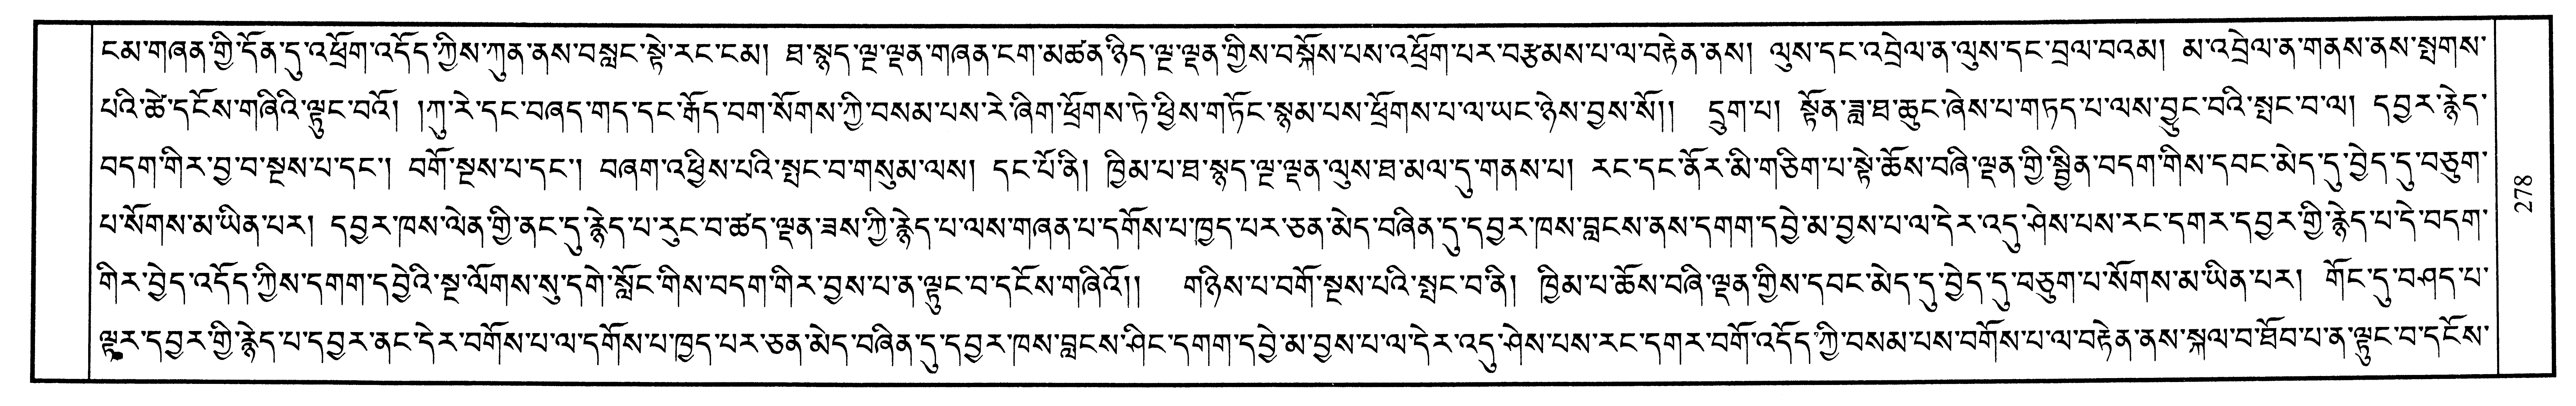ངམ་གཞན་གྱི་དོན་དུ་འཕྲོག་འདོད་ཀྱིས་ཀུན་ནས་བསླང་སྟེ་རང་ངམ། ཐ་སྙད་ལྔ་ལྡན་གཞན་ངག་མཚན་ཉིད་ལྔ་ལྡན་གྱིས་བསྐོས་པས་འཕྲོག་པར་བརྩམས་པ་ལ་བརྟེན་ནས། ལུས་དང་འབྲེལ་ན་ལུས་དང་བྲལ་བའམ། མ་འབྲེལ་ན་གནས་ནས་སྤགས་
པའི་ཚེ་དངོས་གཞིའི་ལྟུང་བའོ། །ཀུ་རེ་དང་བཞད་གད་དང་རྒོད་བག་སོགས་ཀྱི་བསམ་པས་རེ་ཞིག་ཕྲོགས་ཏེ་ཕྱིས་གཏོང་སྙམ་པས་ཕྲོགས་པ་ལ་ཡང་ཉེས་བྱས་སོ།། དྲུག་པ། སྟོན་ཟླ་ཐ་ཆུང་ཞེས་པ་གཏད་པ་ལས་བྱུང་བའི་སྤང་བ་ལ། དབྱར་རྙེད་
བདག་གིར་བྱ་བ་སྔས་པ་དང་། བགོ་སྔས་པ་དང་། བཞག་འཕྱིས་པའི་སྤང་བ་གསུམ་ལས། དང་པོ་ནི། ཁྱིམ་པ་ཐ་སྙད་ལྔ་ལྡན་ལུས་ཐ་མལ་དུ་གནས་པ། རང་དང་ནོར་མི་གཅིག་པ་སྟེ་ཆོས་བཞི་ལྡན་གྱི་སྦྱིན་བདག་གིས་དབང་མེད་དུ་བྱེད་དུ་བཅུག་
པ་སོགས་མ་ཡིན་པར། དབྱར་ཁས་ལེན་གྱི་ནང་དུ་རྙེད་པ་རུང་བ་ཚད་ལྡན་ཟས་ཀྱི་རྙེད་པ་ལས་གཞན་པ་དགོས་པ་ཁྱད་པར་ཅན་མེད་བཞིན་དུ་དབྱར་ཁས་བླངས་ནས་དགག་དབྱེ་མ་བྱས་པ་ལ་དེར་འདུ་ཤེས་པས་རང་དགར་དབྱར་གྱི་རྙེད་པ་དེ་བདག་
གིར་བྱེད་འདོད་ཀྱིས་དགག་དབྱེའི་སྔ་ལོགས་སུ་དགེ་སློང་གིས་བདག་གིར་བྱས་པ་ན་ལྟུང་བ་དངོས་གཞིའོ།། གཉིས་པ་བགོ་སྔས་པའི་སྤང་བ་ནི། ཁྱིམ་པ་ཆོས་བཞི་ལྡན་གྱིས་དབང་མེད་དུ་བྱེད་དུ་བཅུག་པ་སོགས་མ་ཡིན་པར། གོང་དུ་བཤད་པ་
ལྟར་དབྱར་གྱི་རྙེད་པ་དབྱར་ནང་དེར་བགོས་པ་ལ་དགོས་པ་ཁྱད་པར་ཅན་མེད་བཞིན་དུ་དབྱར་ཁས་བླངས་ཤིང་དགག་དབྱེ་མ་བྱས་པ་ལ་དེར་འདུ་ཤེས་པས་རང་དགར་བགོ་འདོད་ཀྱི་བསམ་པས་བགོས་པ་ལ་བརྟེན་ནས་སྐལ་བ་ཐོབ་པ་ན་ལྟུང་བ་དངོས་